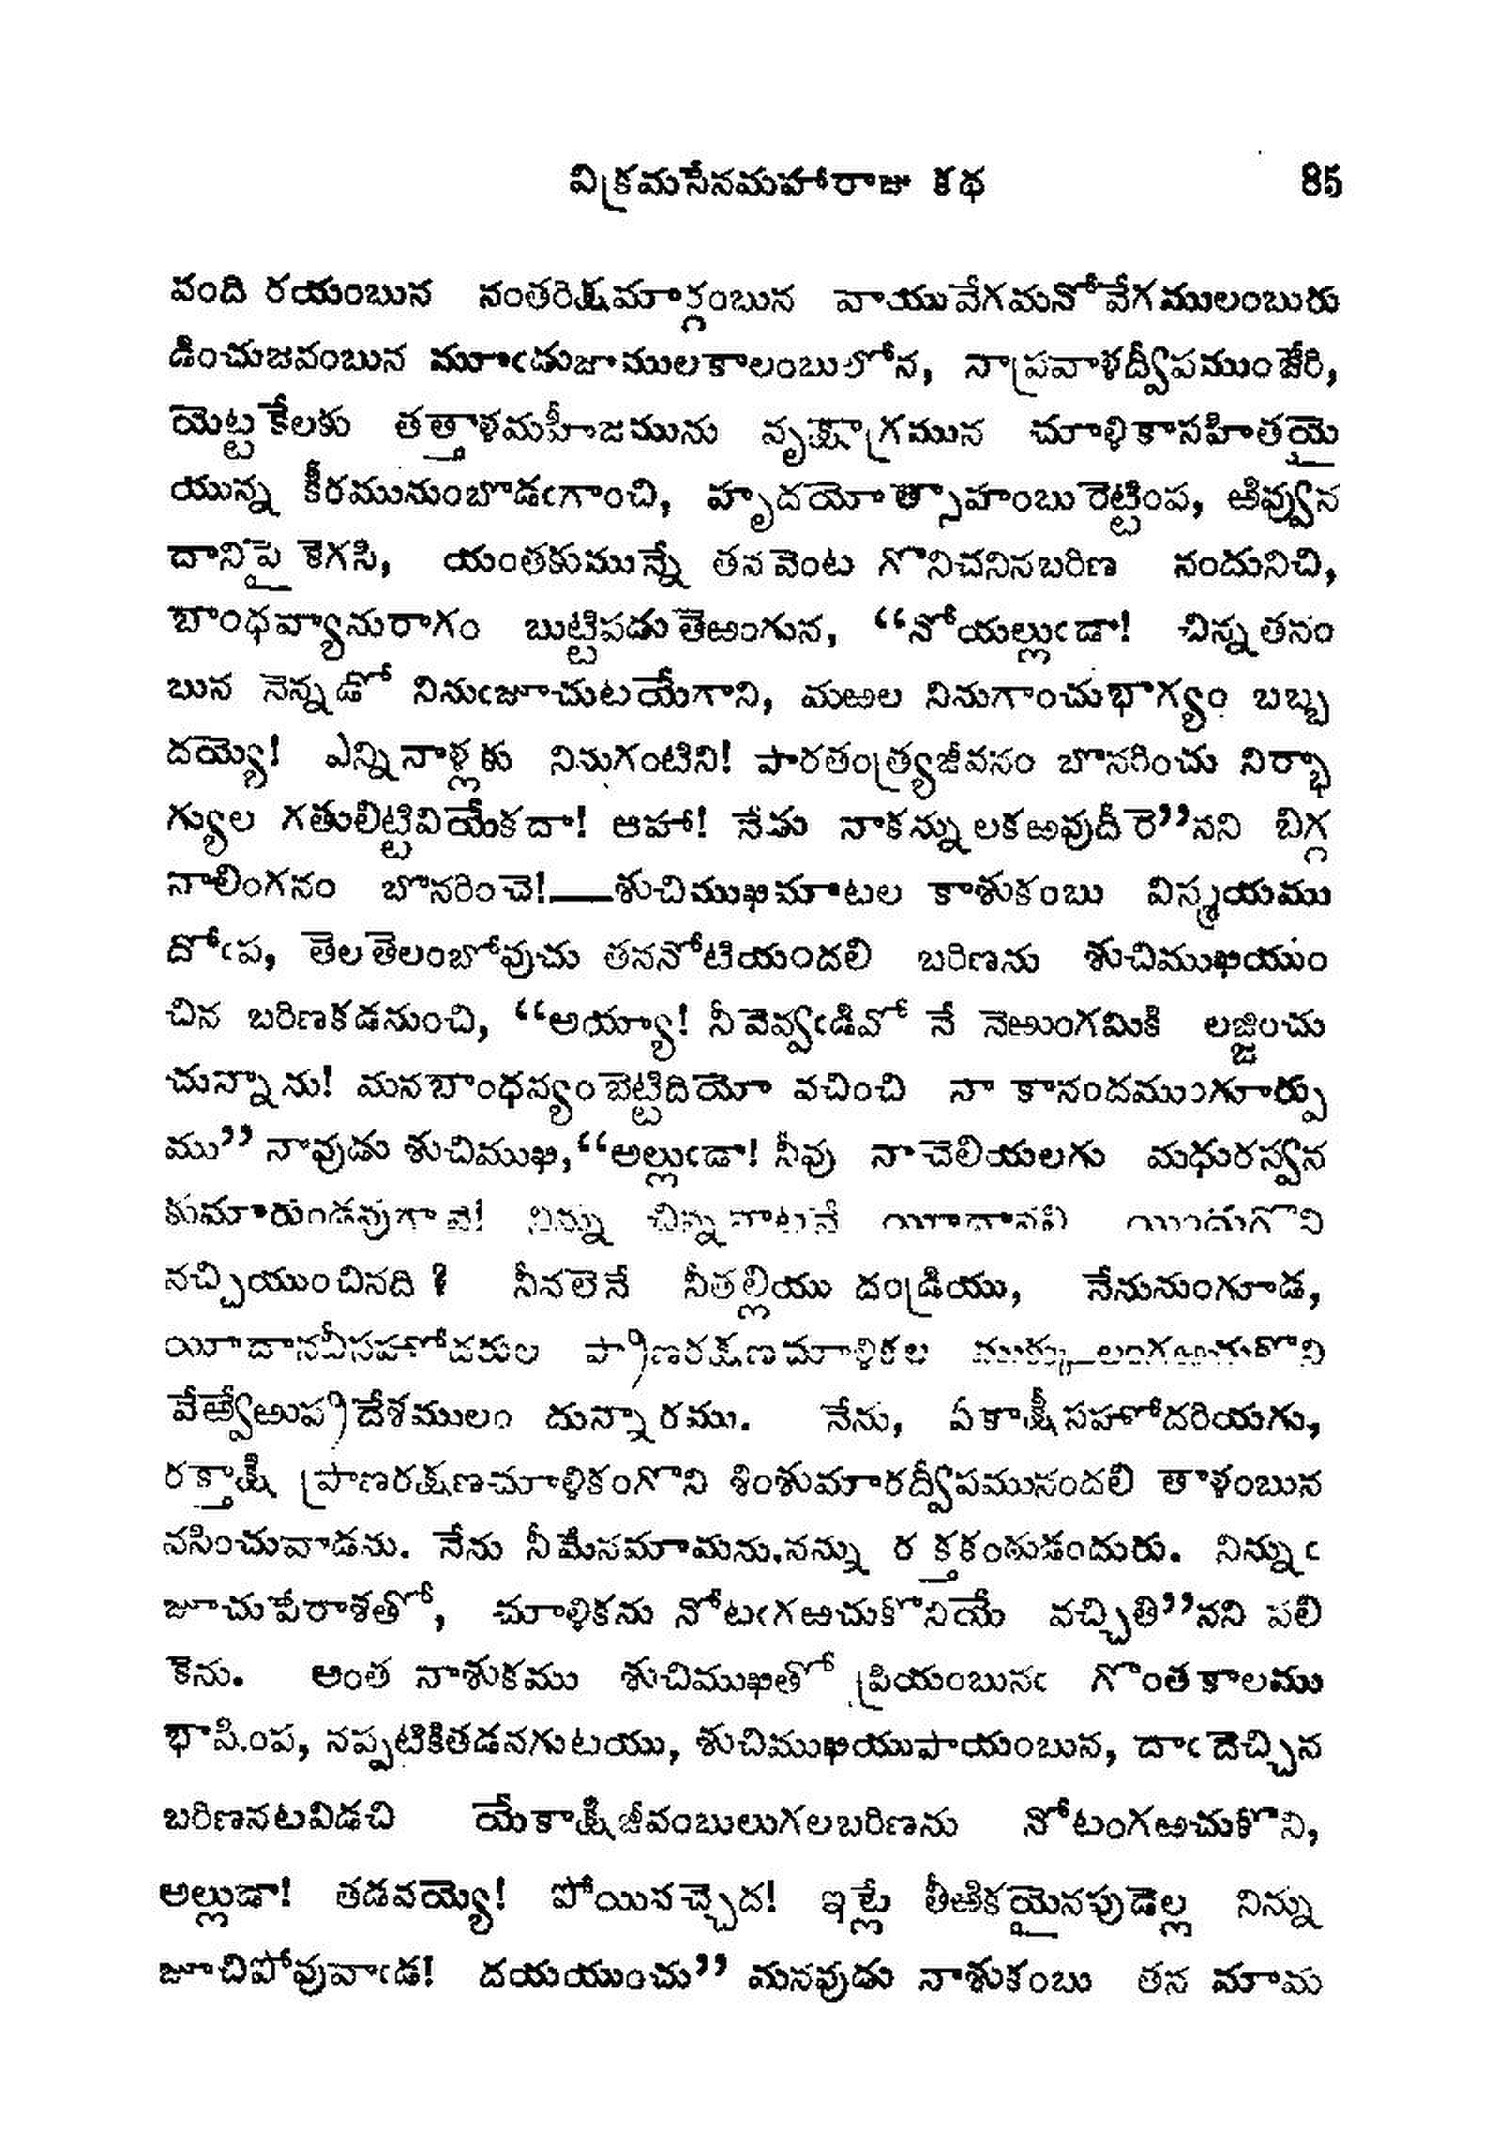పంది రయంబున నంతరిక్ష మార్గంబున వాయువేగమనో వేగములంబురు డించుజవంబున మూఁడుజాముల కాలంబులోన, నాప్రవాళ ద్వీపముం జేరి, యెట్ట కేలకు తత్తాళమహీజమును వ్రుక్షాగ్రమున చూళికాసహితయై యున్న కీరమునుంబొడఁగాంచి, హృదయోత్సాహంబు రెట్టింప, ఱివ్వున దానిపై కెగసి, యంతకుమున్నే తన వెంట గొనిచనినబరీణ నందునిచి,
బాంధవ్యానురాగం బుట్టిపడు తెఱంగున, “నోయల్లుఁడా! చిన్నతనంబున నెన్నడో నినుఁజూచుటయేగాని, మఱల నినుగాంచు భాగ్యం బబ్బదయ్యె! ఎన్ని నాళ్లకు నినుగంటిని! పారతంత్య్రజీవనం బొనగించు నిర్భాగ్యుల గతులిట్టివియేకదా! ఆహా! నేడు నాకన్నులకఱవుదీరె"నని బిగ్గ నాలింగనం బొనరించె! __ శుచిముఖిమాటల కాశుకంబు విస్మయము దోఁప, తెల తెలంబోవుచు తననోటియందలి బరిణను శుచిముఖయుంచిన బరిణకడనుంచి, “అయ్యా! నీ వెవ్వఁడివో నే నెఱుంగమికి లజ్జించు
చున్నాను! మన బాంధవ్యం బెట్టిదియో వచించి నా కానందముం గూర్పుము” నావుడు శుచిముఖి, “అల్లుఁడా! నీవు నా చెలియలగు మధురస్వన కుమారుండవుగావె! నిన్ను చిన్న నాటనే యీదానని యిందుగోని వచ్చియుంచినది ? నీవలెనే నీతల్లియు దండ్రియు, నేనునుంగూడ, యీ దానవీ సహోదరుల ప్రాణరక్షణ మాళికల ముక్కులంగఱచుకోని వేఱ్వేఱు ప్రదేశములం దున్నారము. నేను, ఏకాక్షీ సహోదరియగు, రక్తాక్షి ప్రాణరక్షణ చూళికంగొని శింశుమారద్వీపమునందలి తాళంబున వసించువాడను. నేను నీ మేనమామను,నన్ను రక్తకంఠుడందురు. నిన్నుఁ జూచు పేరాశతో, చూళికను నోటఁగఱచుకొనియే వచ్చితి"నని పలికెను. అంత నాశుకము శుచిముఖితో ప్రియంబునఁ గొంత కాలము భాపింప, నప్పటికితడవగుటయు, శుచిముఖియుపాయంబున, దాఁ దెచ్చిన బరిణనటవిడచి యేకాక్షి జీవంబులుగల బరిణను నోటంగఱచుకొని, అల్లుడా! తడవయ్యె! పోయివచ్చెద! ఇట్లే తీఱికయైనపుడెల్ల నిన్ను జూచిపోవువాఁడ! దయయుంచు” మనవుడు నాశుకంబు తన మామ